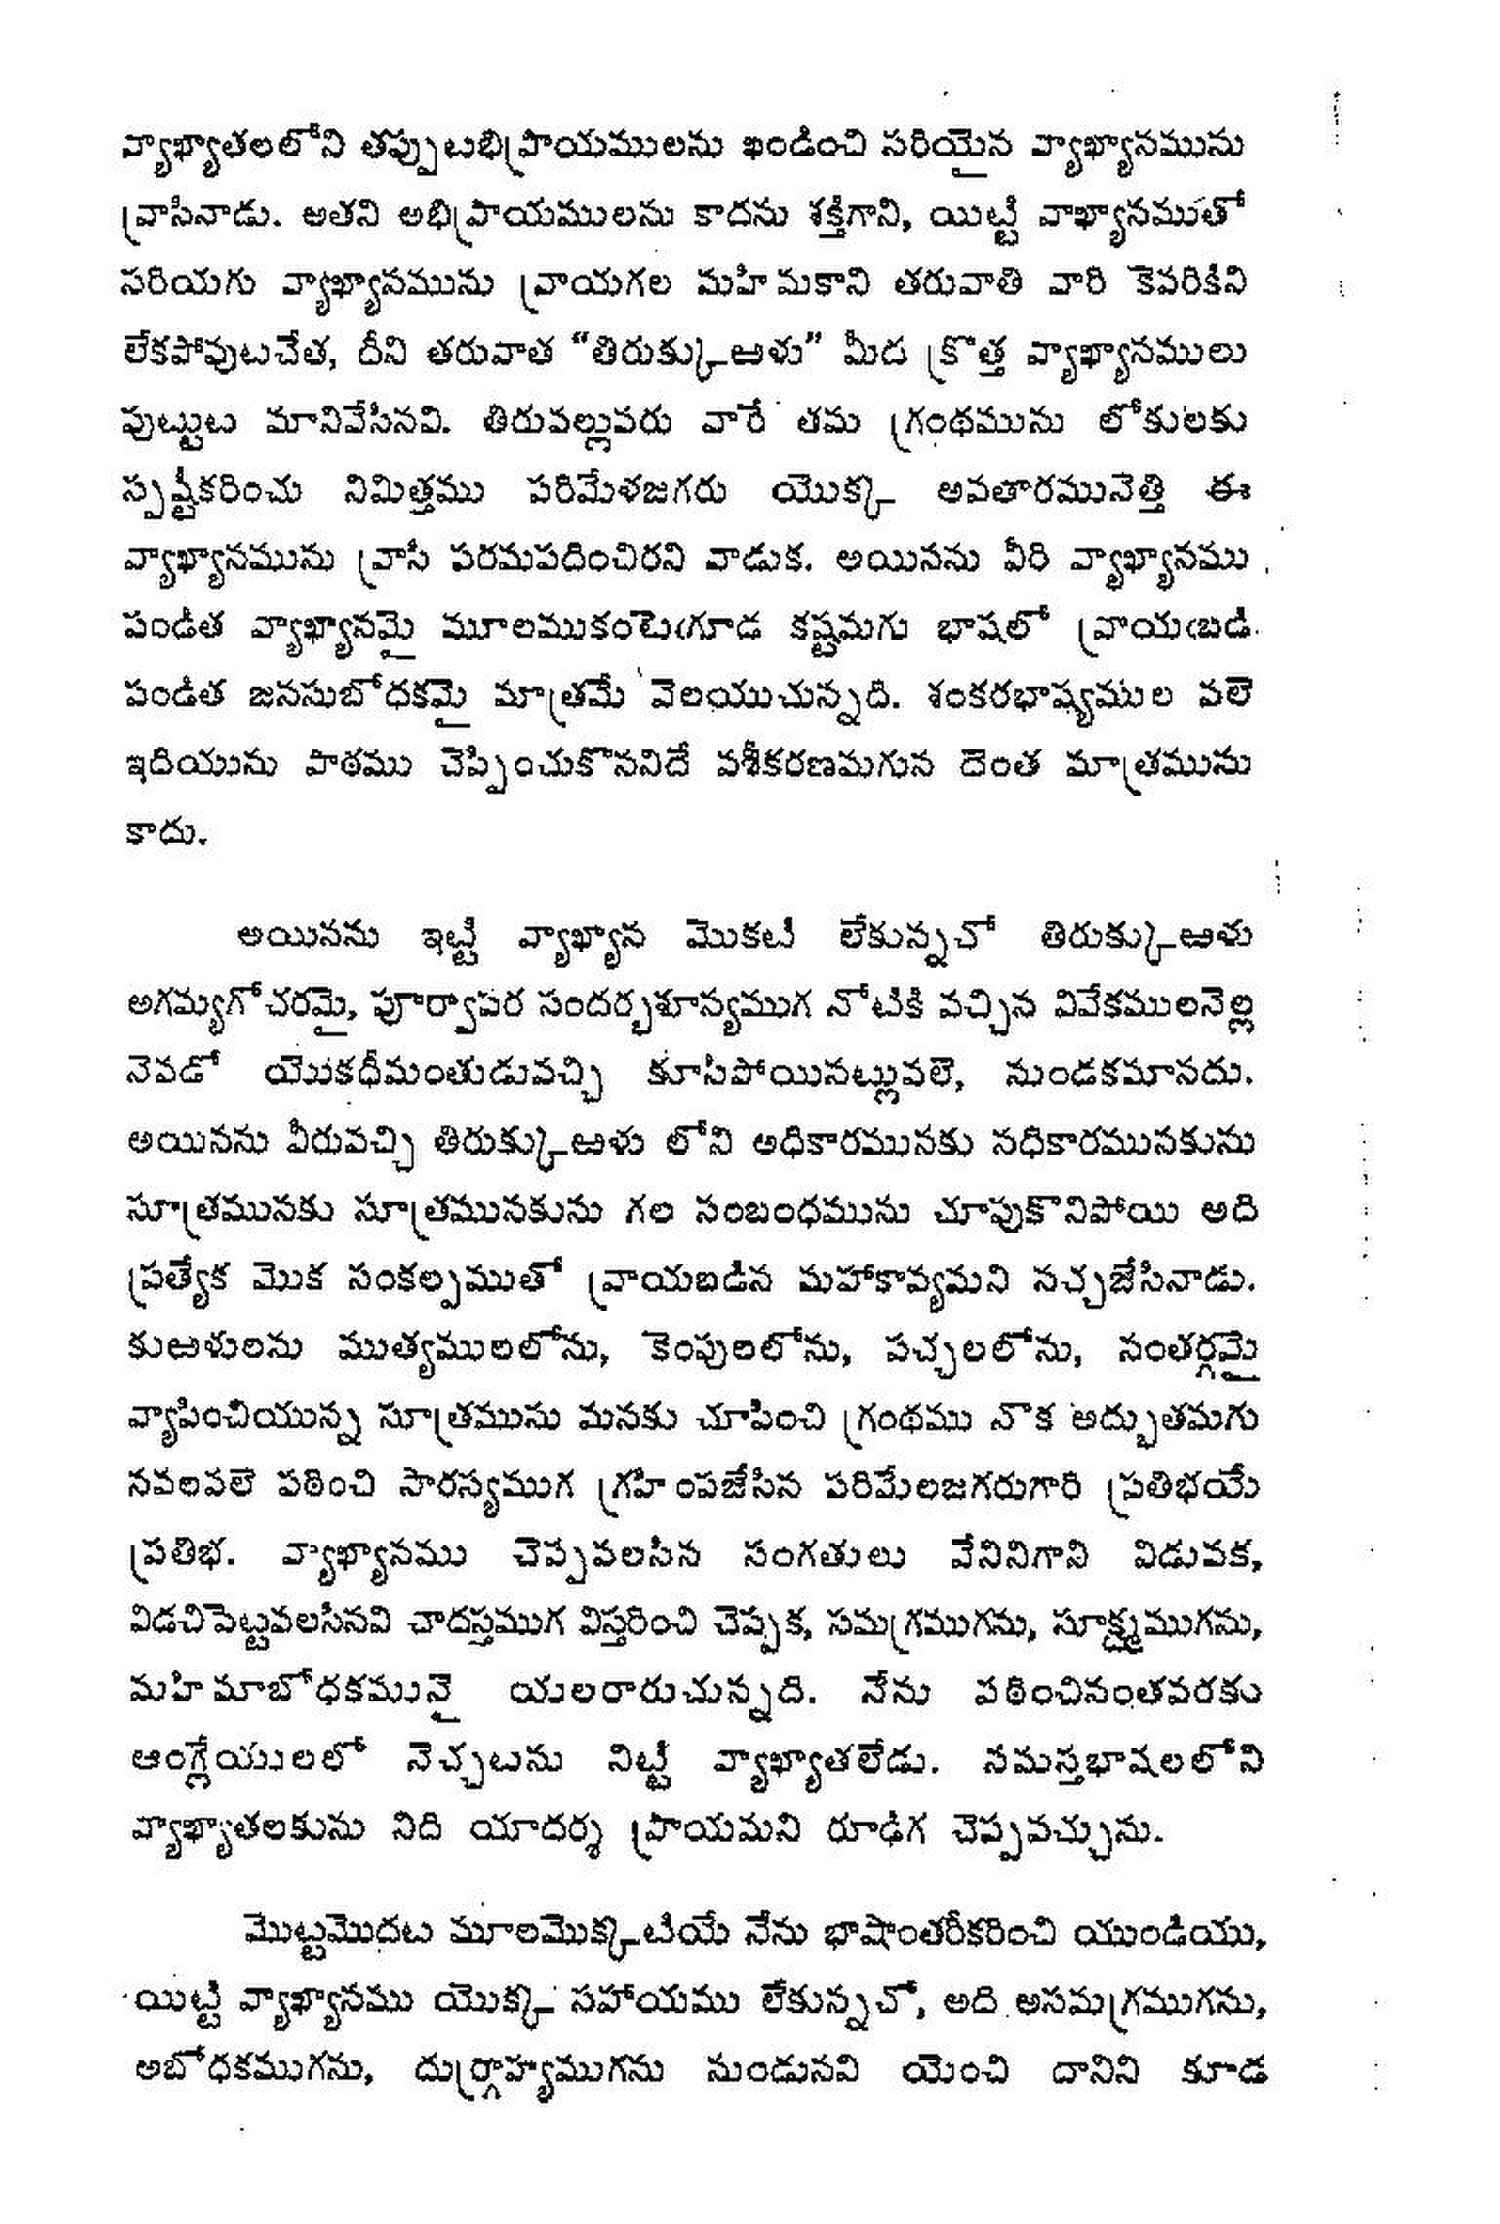వ్యాఖ్యాతలలోని తప్పుటభిప్రాయములను ఖండించి సరియైన వ్యాఖ్యానమును వ్రాసినాడు. అతని అభిప్రాయములను కాదను శక్తిగాని, యిట్టి వాఖ్యానముతో సరియగు వ్యాఖ్యానమును వ్రాయగల మహిమకాని తరువాతి వారి కెవరికిని లేకపోవుటచేత, దీని తరువాత "తిరుక్కుఱళు" మీద క్రొత్త వ్యాఖ్యానములు పుట్టుట మానివేసినవి. తిరువల్లువరు వారే తమ గ్రంథమును లోకులకు స్పష్టీకరించు నిమిత్తము పరిమేళజగరు యొక్క అవతారమునెత్తి ఈ వ్యాఖ్యానమును వ్రాసి పరమపదించిరని వాడుక. అయినను వీరి వ్యాఖ్యానము పండిత వ్యాఖ్యానమై మూలముకంటెగూడ కష్టమగు భాషలో వ్రాయబడి పండిత జనసుబోధకమై మాత్రమే వెలయుచున్నది. శంకరభాష్యముల వలె ఇదియును పాఠము చెప్పించుకొననిదే వశీకరణమగున దెంత మాత్రమును కాదు.

అయినను ఇట్టి వ్యాఖ్యాన మొకటి లేకున్నచో తిరుక్కుఱళు అగమ్యగోచరమై పూర్వాపర సందర్బశూన్యముగ నోటికి వచ్చిన వివేకములనెల్ల నెవడో యొకధీమంతుడువచ్చి కూసిపోయినట్లువలె, నుండకమానదు. అయినను వీరువచ్చి తిరుక్కుఱళు లోని అధికారమునకు నధికారమునకును సూత్రమునకు సూత్రమునకును గల సంబంధమును చూపుకొనిపోయి అది ప్రత్యేక మొక సంకల్పముతో వ్రాయబడిన మహాకావ్యమని నచ్చజేసినాడు. కుఱళులను ముత్యములలోను, కెంపులలోను, పచ్చలలోను, నంతర్గతమై వ్యాపించియున్న సూత్రమును మనకు చూపించి గ్రంథము నొక అద్బుతమగు నవలవలె ఫఠించి సారస్యముగ గ్రహింపజేసిన పరిమేలజగరుగారి ప్రతిభయే ప్రతిభ. వ్యాఖ్యానము చెప్పవలసిన సంగతులు వేనినిగాని విడువక, విడచిపెట్టవలసినవి చాదస్తముగ విస్తరించి చెప్పక, సమగ్రముగను, సూక్ష్మముగను, మహిమాబోధకమునై యలరారుచున్నది. నేను పఠించినంతవరకు ఆంగ్లేయులలో నెచ్చటను నిట్టి వ్యాఖ్యాతలేడు. సమస్తభాషలలోని వ్యాఖ్యాతలకును నిది యాదర్శ ప్రాయమని రూఢిగ చెప్పవచ్చును.

మొట్టమొదట మూలమొక్కటియే నేను భాషాంతరీకరించి యుండియు, యిట్టి వ్యాఖ్యానము యొక్క సహాయము లేకున్నచో, అది అసమగ్రముగను అబోధకముగను, దుర్గ్రాహ్యముగను నుండునని యెంచి దానిని కూడ